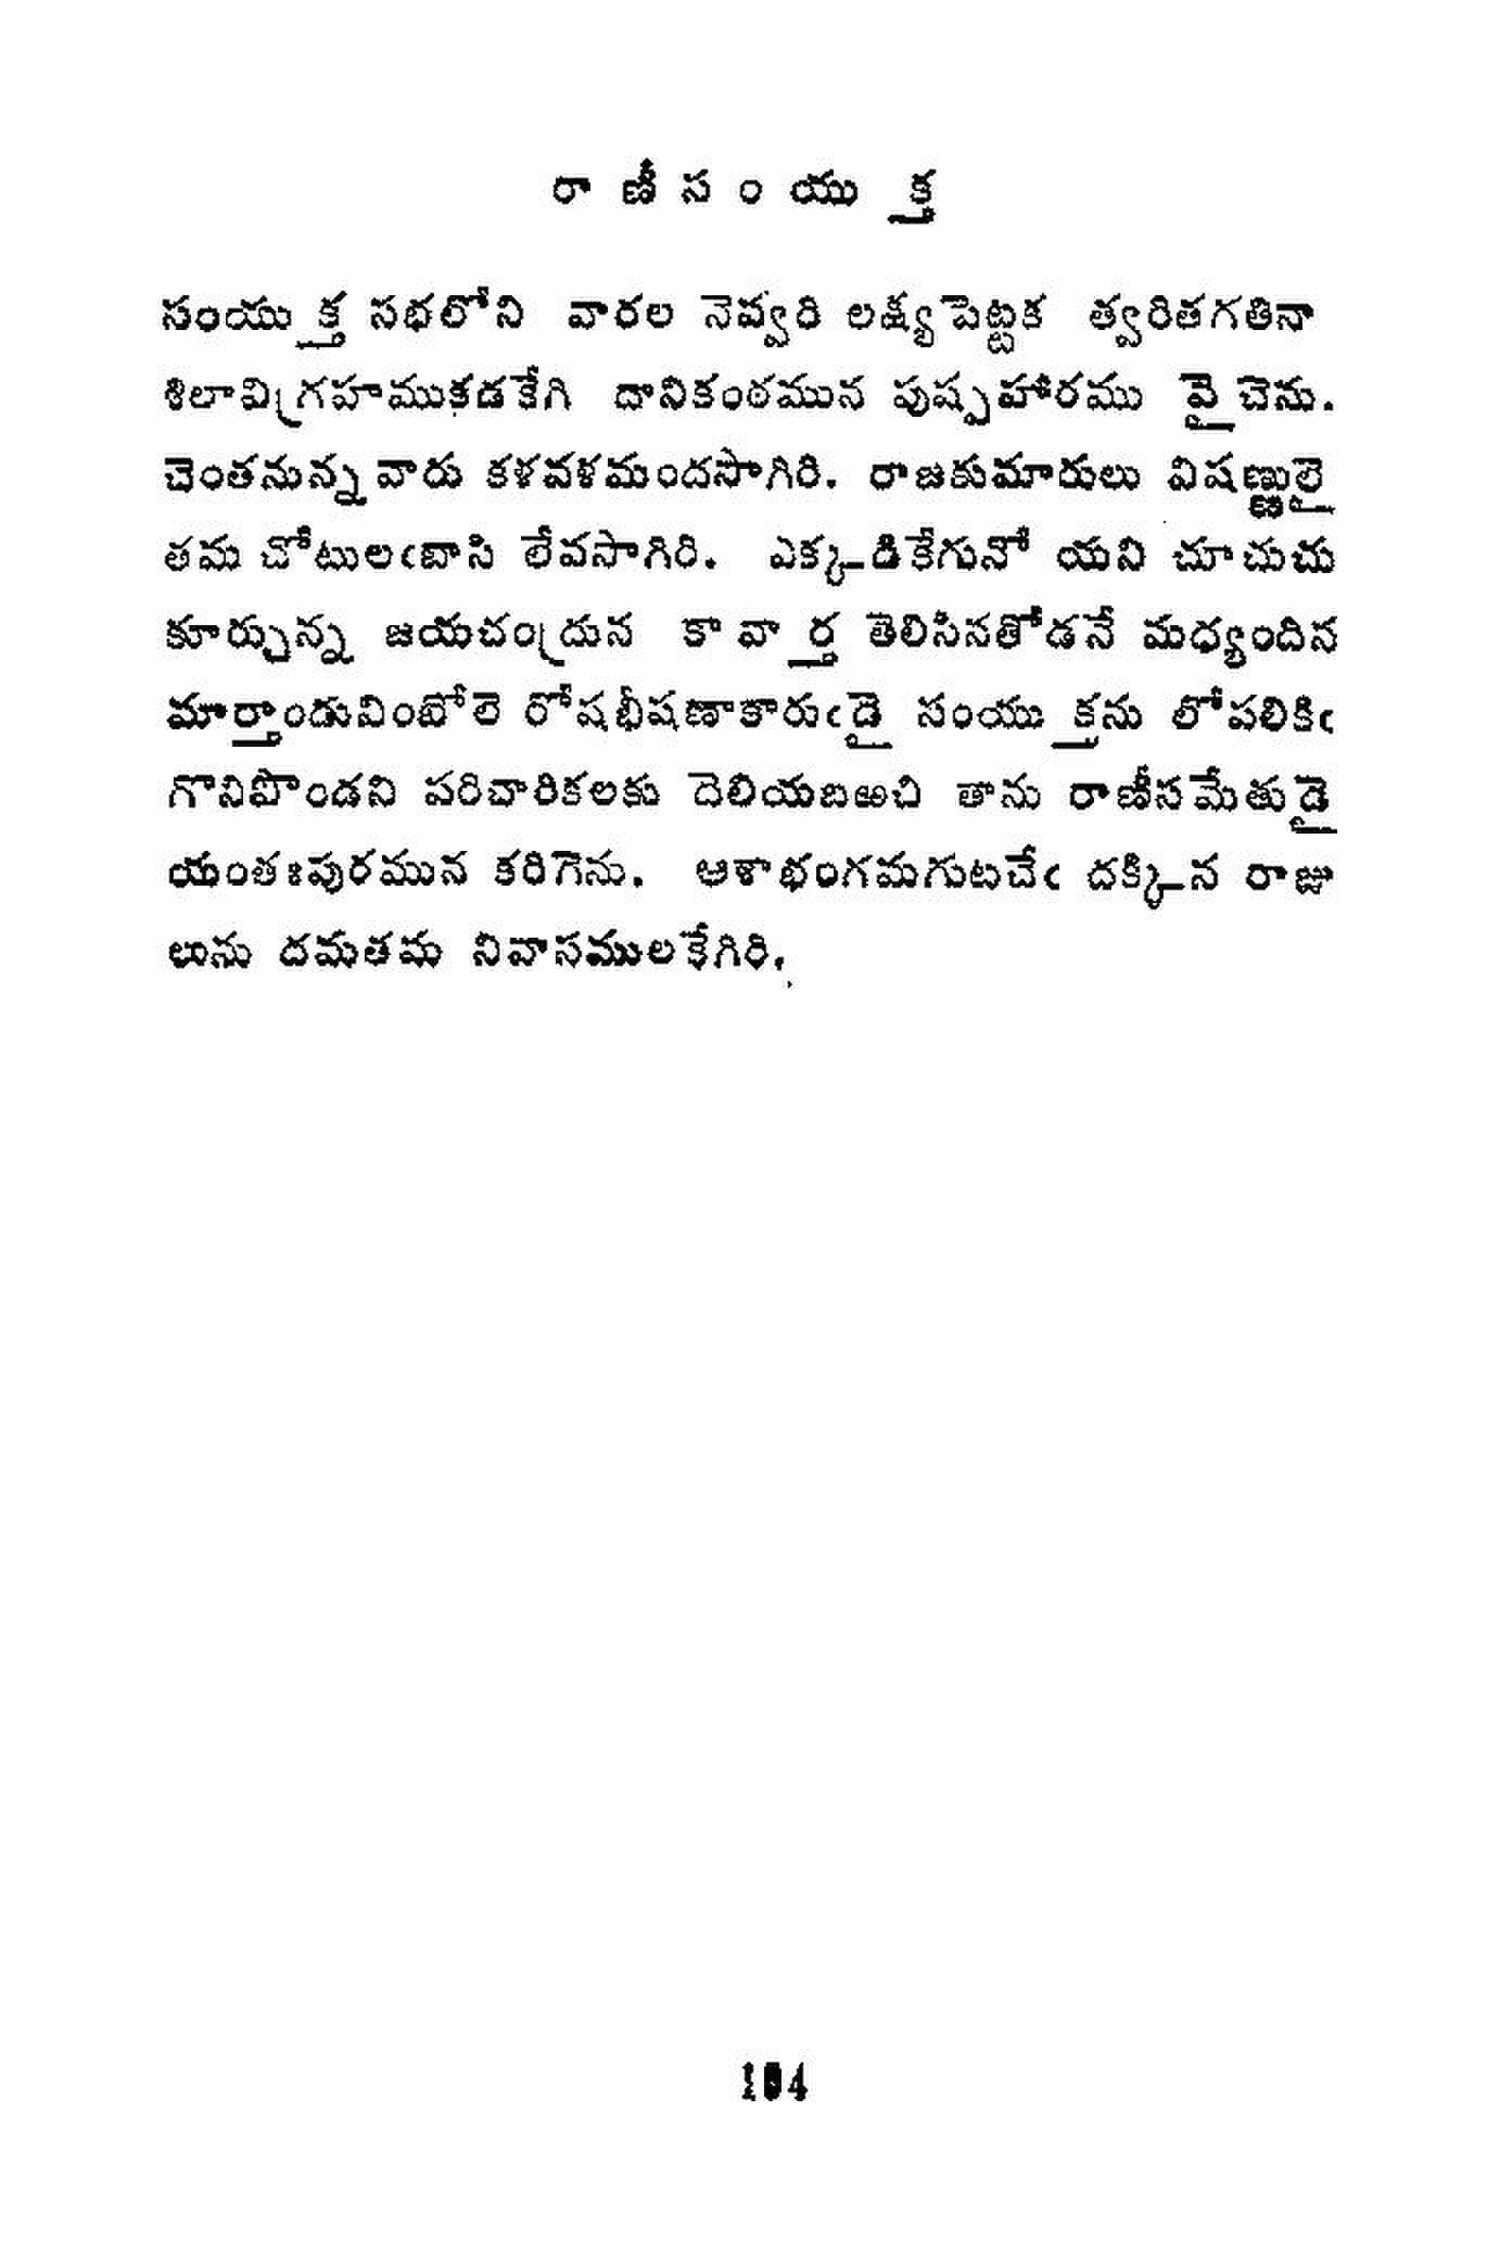సంయుక్త సభలోని వారల నెవ్వరి లక్ష్యపెట్టక త్వరితగతినా శిలావిగ్రహముకడకేగి దానికంఠమున పుష్పహారము వైచెను. చెంతనున్నవారు కళవళమందసాగిరి. రాజకుమారులు విషణ్ణులై తమ చోటులఁబాసి లేవసాగిరి. ఎక్కడికేగునో యని చూచుచు కూర్చున్న జయచంద్రున కా వార్త తెలిసినతోడనే మధ్యందిన మార్తాండునింబోలె రోషభీషణాకారుఁడై సంయుక్తను లోపలికిఁ గొనిపొండని పరిచారికలకు దెలియబఱచి తాను రాణీసమేతుడై యంతఃపురమున కరిగెను. ఆశాభంగమగుటచేఁ దక్కిన రాజులును దమతమ నివాసముల కేగిరి,